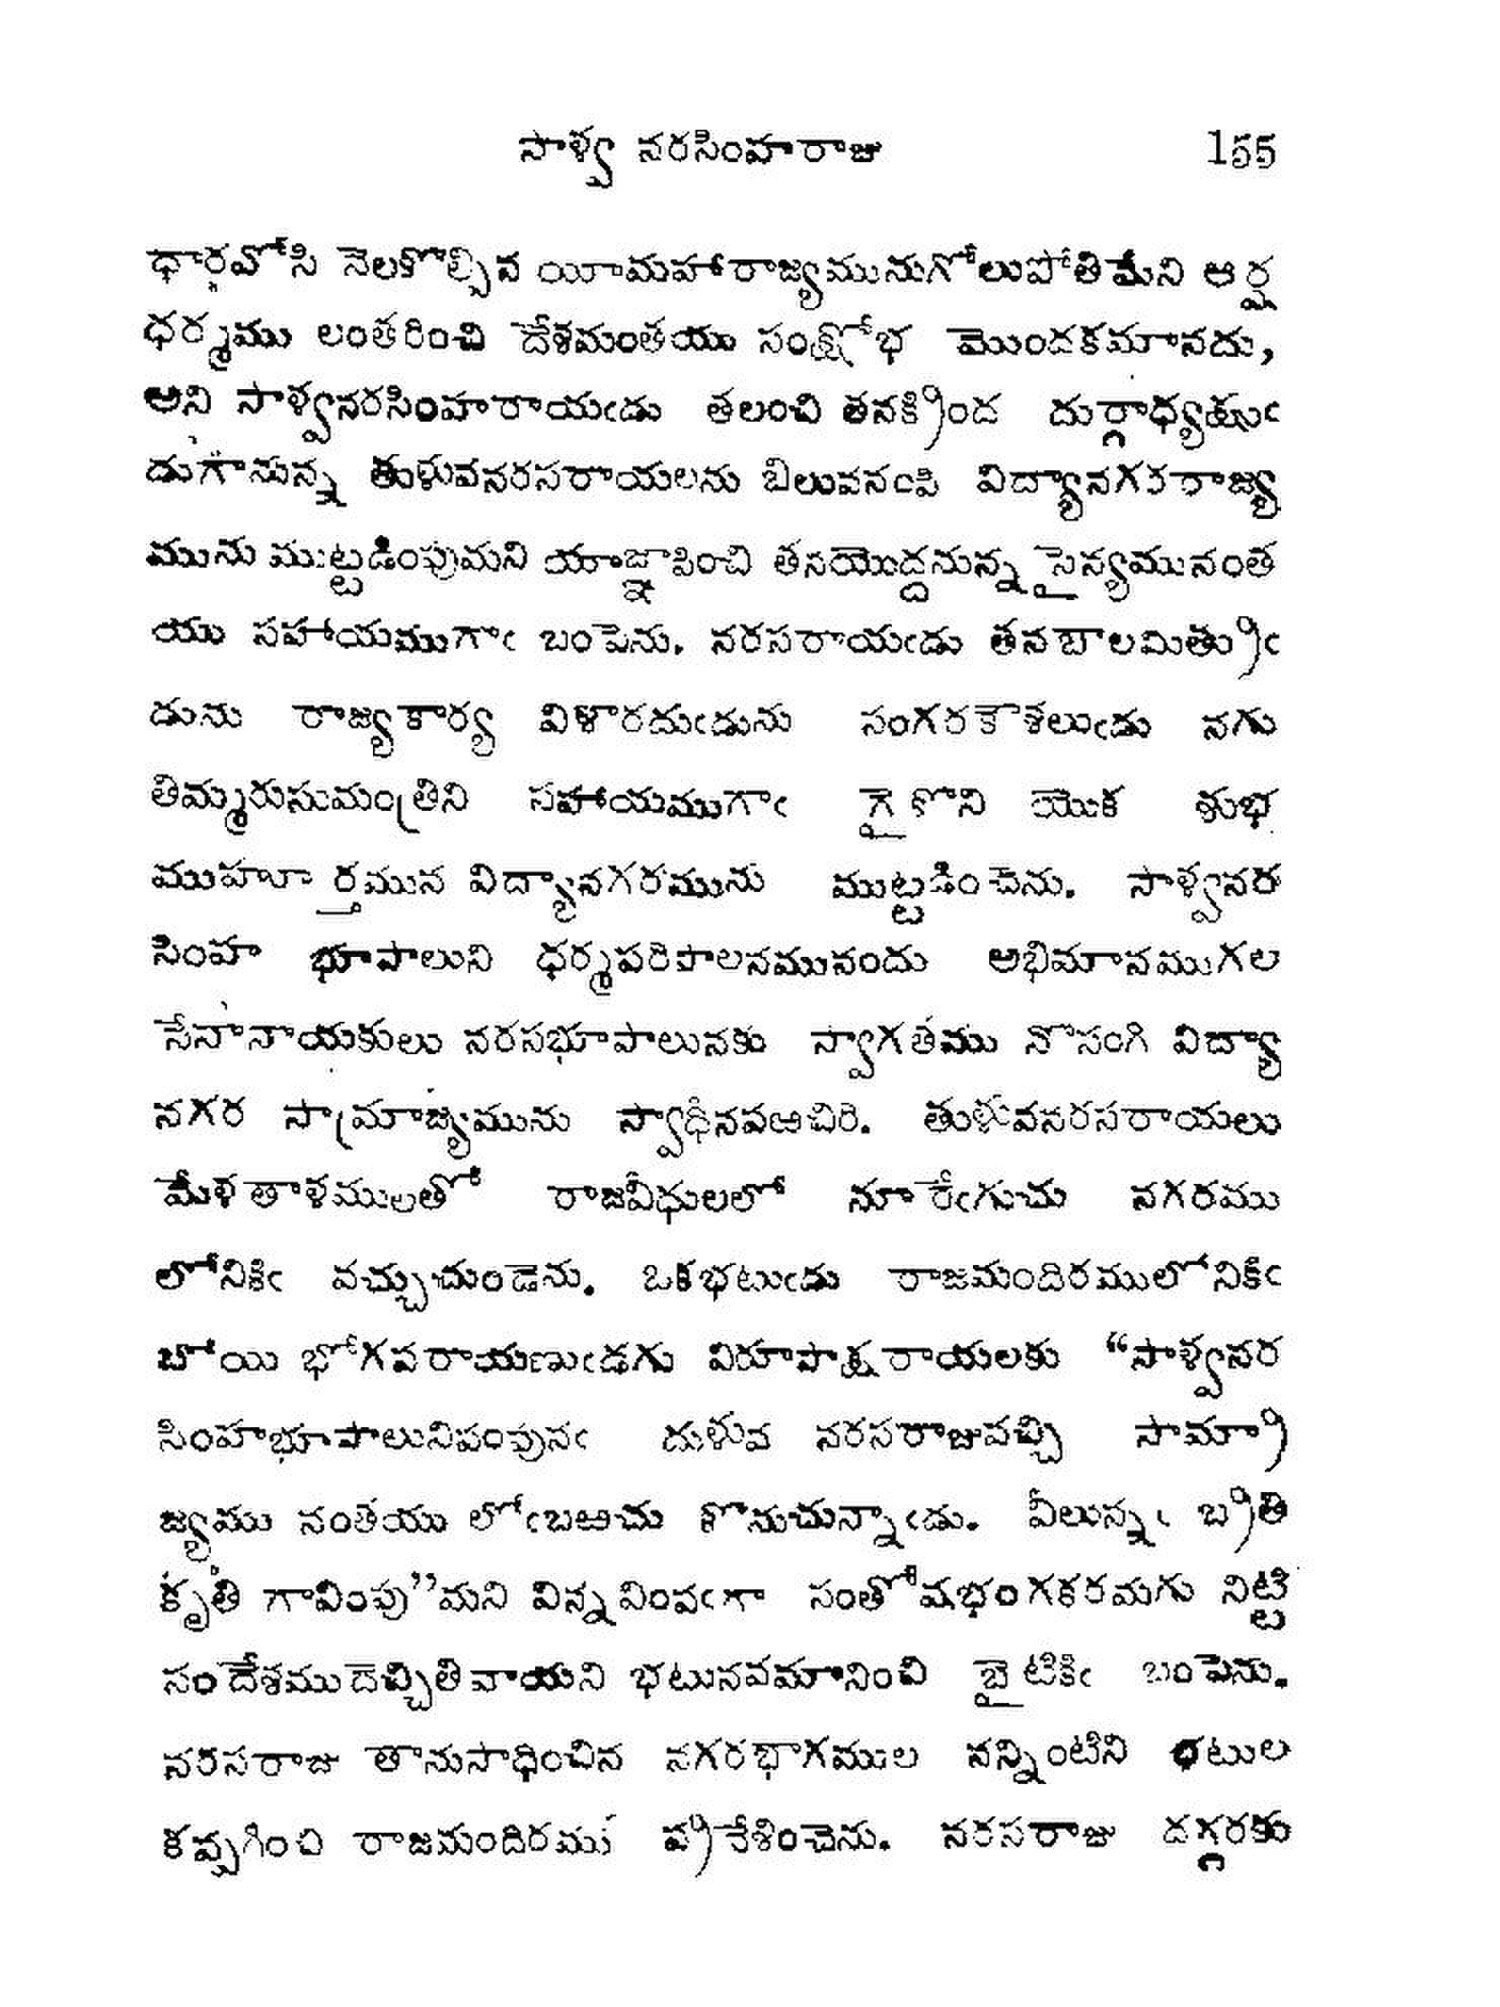ధారవోసి నెలకొల్పిన యీమహారాజ్యమును గోలుపోతిమేని ఆర్షధర్మము లంతరించి దేశమంతయు సంక్షోభ మొందకమానదు, అని సాళ్వనరసింహరాయడు తలంచి తనక్రింద దుర్గాధ్యక్షుడుగానున్న తుళువనరసరాయలను బిలువనంపి విద్యానగరరాజ్యమును ముట్టడింపుమని యాజ్ఞాపించి తనయొద్దనున్న సైన్యమునంతయు సహాయముగా బంపెను. నరసరాయడు తనబాలమిత్రుడును రాజ్యకార్య విశారదుడును సంగరకౌశలుడు నగు తిమ్మరుసుమంత్రిని సహాయముగా గైకొని యొక శుభముహూర్తమున విద్యానగరమును ముట్టడించెను. సాళ్వనరసింహ భూపాలుని ధర్మపరిపాలనము నందు అభిమానముగల సేనానాయకులు నరసభూపాలునకు స్వాగతము నొసంగి విద్యానగర సామ్రాజ్యమును స్వాధీనపఱచిరి. తుళువనరసరాయలు మేళతాళములతో రాజవీధులలో నూరేగుచు నగరములోనికి వచ్చుచుండెను. ఒకభటుడు రాజమందిరములోనికి బోయి భోగపరాయణుడగు విరూపాక్షరాయలకు "సాళ్వనరసింహభూపాలునిపంపున దుళువ నరసరాజువచ్చి సామ్రాజ్యము నంతయు లోబఱచు కొనుచున్నాడు. వీలున్న బ్రతకృతి గావింపు"మని విన్నవింపగా సంతోషభంగకరమగు నిట్టి సందేశము దెచ్చితివాయని భటునవమానించి బైటికి బంపెను.నరసరాజు తానుసాధించిన నగరభాగముల నన్నింటిని భటులకప్పగించి రాజమందిరము ప్రవేశించెను. నరసరాజు దగ్గరకు